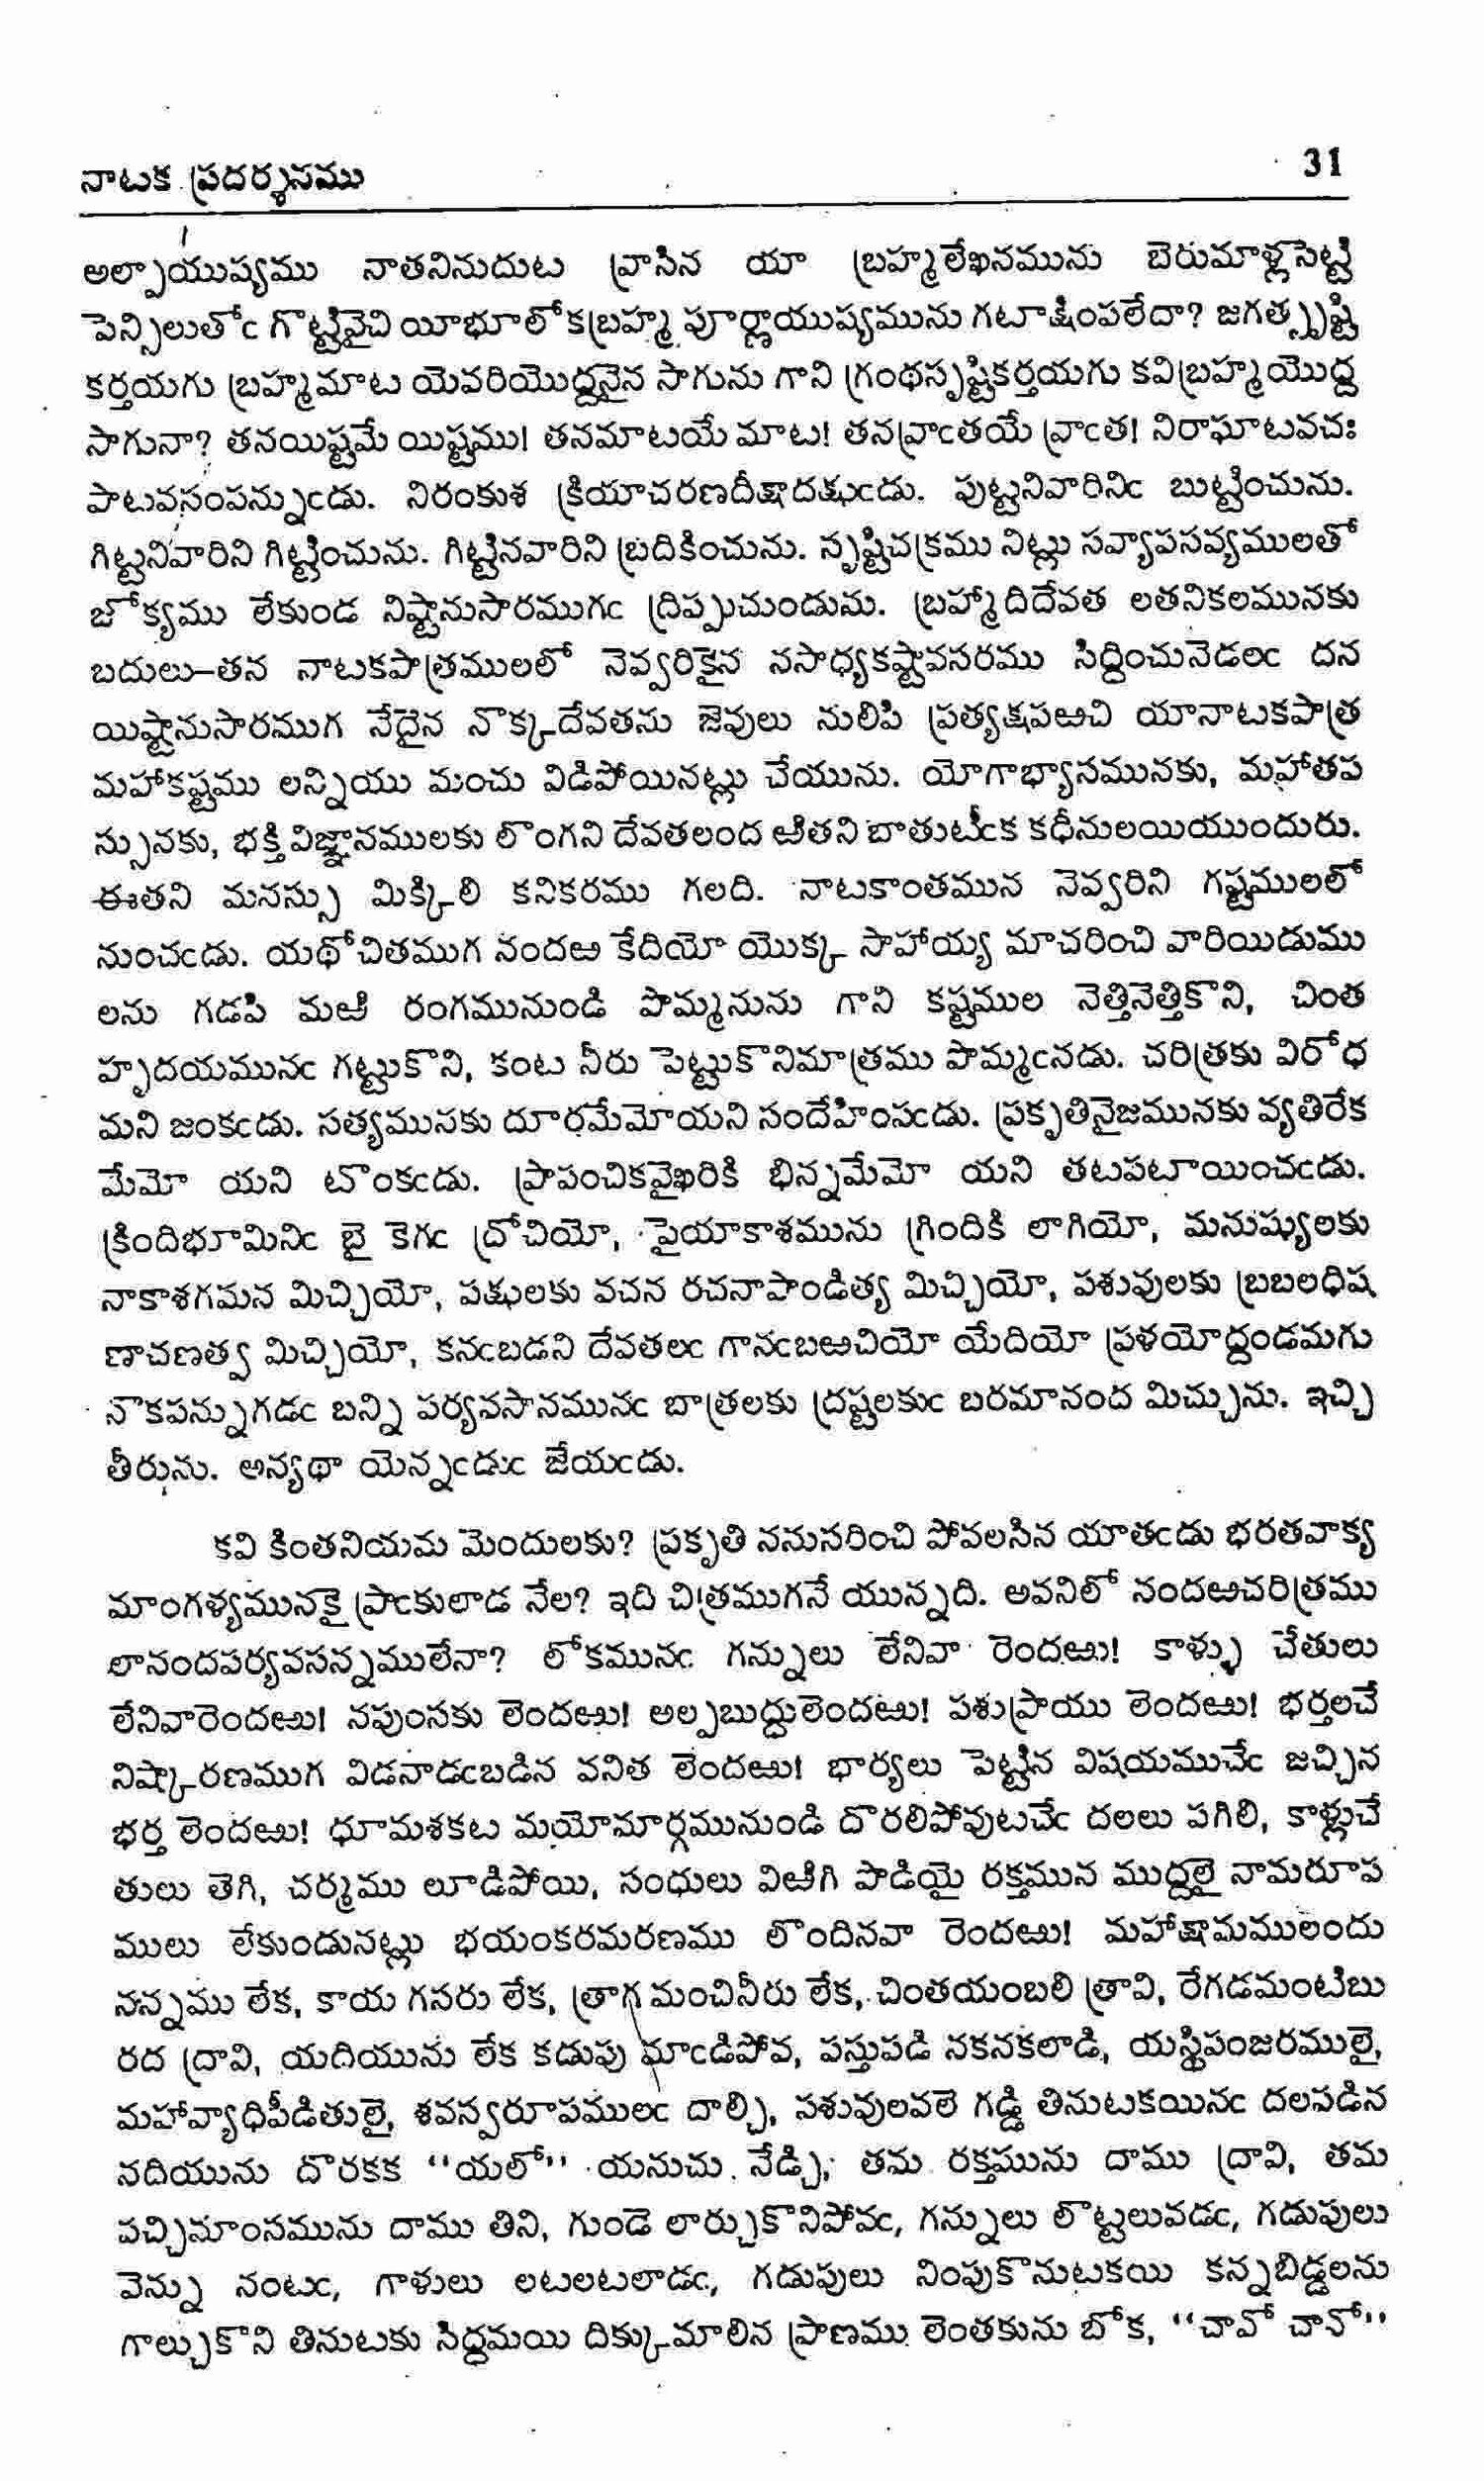అల్పాయుష్యము నాతనినుదుట వ్రాసిన యా బ్రహ్మలేఖనమును బెరుమాళ్లసెట్టి
పెన్సిలుతోఁ గొట్టివైచియీభూలోకబ్రహ్మ పూర్ణాయుష్యమును గటాక్షింపలేదా？జగత్సృష్టి
కర్తయగు బ్రహ్మమాట యెవరియొద్దనైన సాగును గాని గ్రంథసృష్టికర్తయగు కవిబ్రహ్మయొద్ద
సాగునా？తనయిష్టమే యిష్టము！ తనమాటయే మాట！ తన ప్రాంతయే వ్రాఁత！ నిరాఘాటవచః
పాటవసంపన్నుఁడు. నిరంకుశ క్రియాచరణదీక్షాదక్షుఁడు. పుట్టనివారినిఁ బుట్టించును.
గిట్టనివారిని గిట్టించును. గిట్టినవారిని బ్రదికించును. సృష్టిచక్రము నిట్లు సవ్యాపసవ్యములతో
జోక్యము లేకుండ నిష్టానుసారముగఁ ద్రిప్పుచుండును. బ్రహ్మాదిదేవత లతనికలమునకు
బదులు తన నాటకపాత్రములలో నెవ్వరికైన నసాధ్యకష్టావసరము సిద్ధించునెడలఁ దన
యిష్టానుసారముగ నేదైన నొక్కదేవతను జెవులు నులిపి ప్రత్యక్షపఱచి యానాటకపాత్ర
మహాకష్టము లన్నియు మంచు విడిపోయినట్లు చేయును. యోగాభ్యాసమునకు, మహాతప
స్సునకు, భక్తి విజ్ఞానములకు లొంగని దేవతలంద ఱితని బాతుటీఁక కధీనులయియుందురు.
ఈతని మనస్సు మిక్కిలి కనికరము గలది. నాటకాంతమున నెవ్వరిని గష్టములలో
నుంచఁడు. యథోచితముగ నందజ కేదియో యొక్క సాహాయ్య మాచరించి వారియిడుము
లను గడపి మఱి రంగమునుండి పొమ్మనును గాని కష్టముల నెత్తినెత్తికొని, చింత
హృదయమునఁ గట్టుకొని, కంట నీరు పెట్టుకొనిమాత్రము పొమ్మఁనడు. చరిత్రకు విరోధ
మని జంకఁడు. సత్యమునకు దూరమేమోయని సందేహింసఁడు. ప్రకృతినైజమునకు వ్యతిరేక
మేమో యని టొంకఁడు. ప్రాపంచికవైఖరికి భిన్నమేమో యని తటపటాయించండు.
క్రిందిభూమినిఁ బై కెగఁ ద్రోచియో, పైయాకాశమును గ్రిందికి లాగియో, మనుష్యులకు
నాకాశగమన మిచ్చియో, పక్షులకు వచన రచనాపాండిత్య మిచ్చియో, పశువులకు బ్రబలధిష
ణాచణత్వ మిచ్చియో, కనఁబడని దేవతలఁ గానఁబఱచియో యేదియో ప్రళయోద్దండమగు
నొకపన్నుగడఁ బన్ని పర్యవసానమునఁ బాత్రలకు ద్రష్టలకుఁ బరమానంద మిచ్చును. ఇచ్చి
తీరును. అన్యథా యెన్నఁడఁ జేయఁడు.

కవి కింతనియమ మెందులకు？ ప్రకృతి ననుసరించి పోవలసిన యాతఁడు భరతవాక్య
మాంగళ్యమునకై ప్రాకులాడ నేల？ ఇది చిత్రముగనే యున్నది. అవనిలో నందఱచరిత్రము
లానందపర్యవసన్నములేనా？ లోకమునఁ గన్నులు లేనివా రెందజఱు！ కాళ్ళు చేతులు
లేనివారెందఱు！నపుంసకు లెందఱు！ అల్పబుద్ధులెందఱు！ పశుప్రాయు లెందఱు！ భర్తలచే
నిష్కారణముగ విడనాడఁబడిన వనిత లెందఱు！ భార్యలు పెట్టిన విషయముచేఁ జచ్చిన
భర్త లెందఱు！ధూమశకట మయోమార్గమునుండి దొరలిపోవుటచేఁ దలలు పగిలి, కాళ్లుచే
తులు తెగి, చర్మము లూడిపోయి, సంధులు విఱిగి పొడియై రక్తమున ముద్దలై నామరూప
ములు లేకుండునట్లు భయంకరమరణము లొందినవా రెందఱు！మహాక్షామములందు
నన్నము లేక, కాయ గనరు లేక, త్రాగ మంచినీరు లేక, చింతయంబలి త్రావి,
రేగడమంటిబురద ద్రావి, యదియును లేక కడుపు మాండిపోవ, పస్తుపడి నకనకలాడి, యస్థిపంజరములై,
మహావ్యాధిపీడితులై, శవస్వరూపములఁ దాల్చి, సశువులవలే గడ్డి తినుటకయినఁ దలపడిన
నదియును దొరకక ❝యలో❞ యనుచు, నేడ్చి, తమ రక్తమును దాము ద్రావి, తమ
పచ్చినూంసమును దాము తిని, గుండె లార్చుకొనిపోవఁ, గన్నులు లొట్టలువడఁ, గడుపులు
వెన్ను నంటఁ, గాళులు లబలబలాడఁ, గడుపులు నింపుకొనుటకయి కన్నబిడ్డలను
గాల్చుకొని తినుటకు సిద్ధమయి దిక్కుమాలిన ప్రాణము లెంతకును బోక, ❝చావో చావో❞ ,